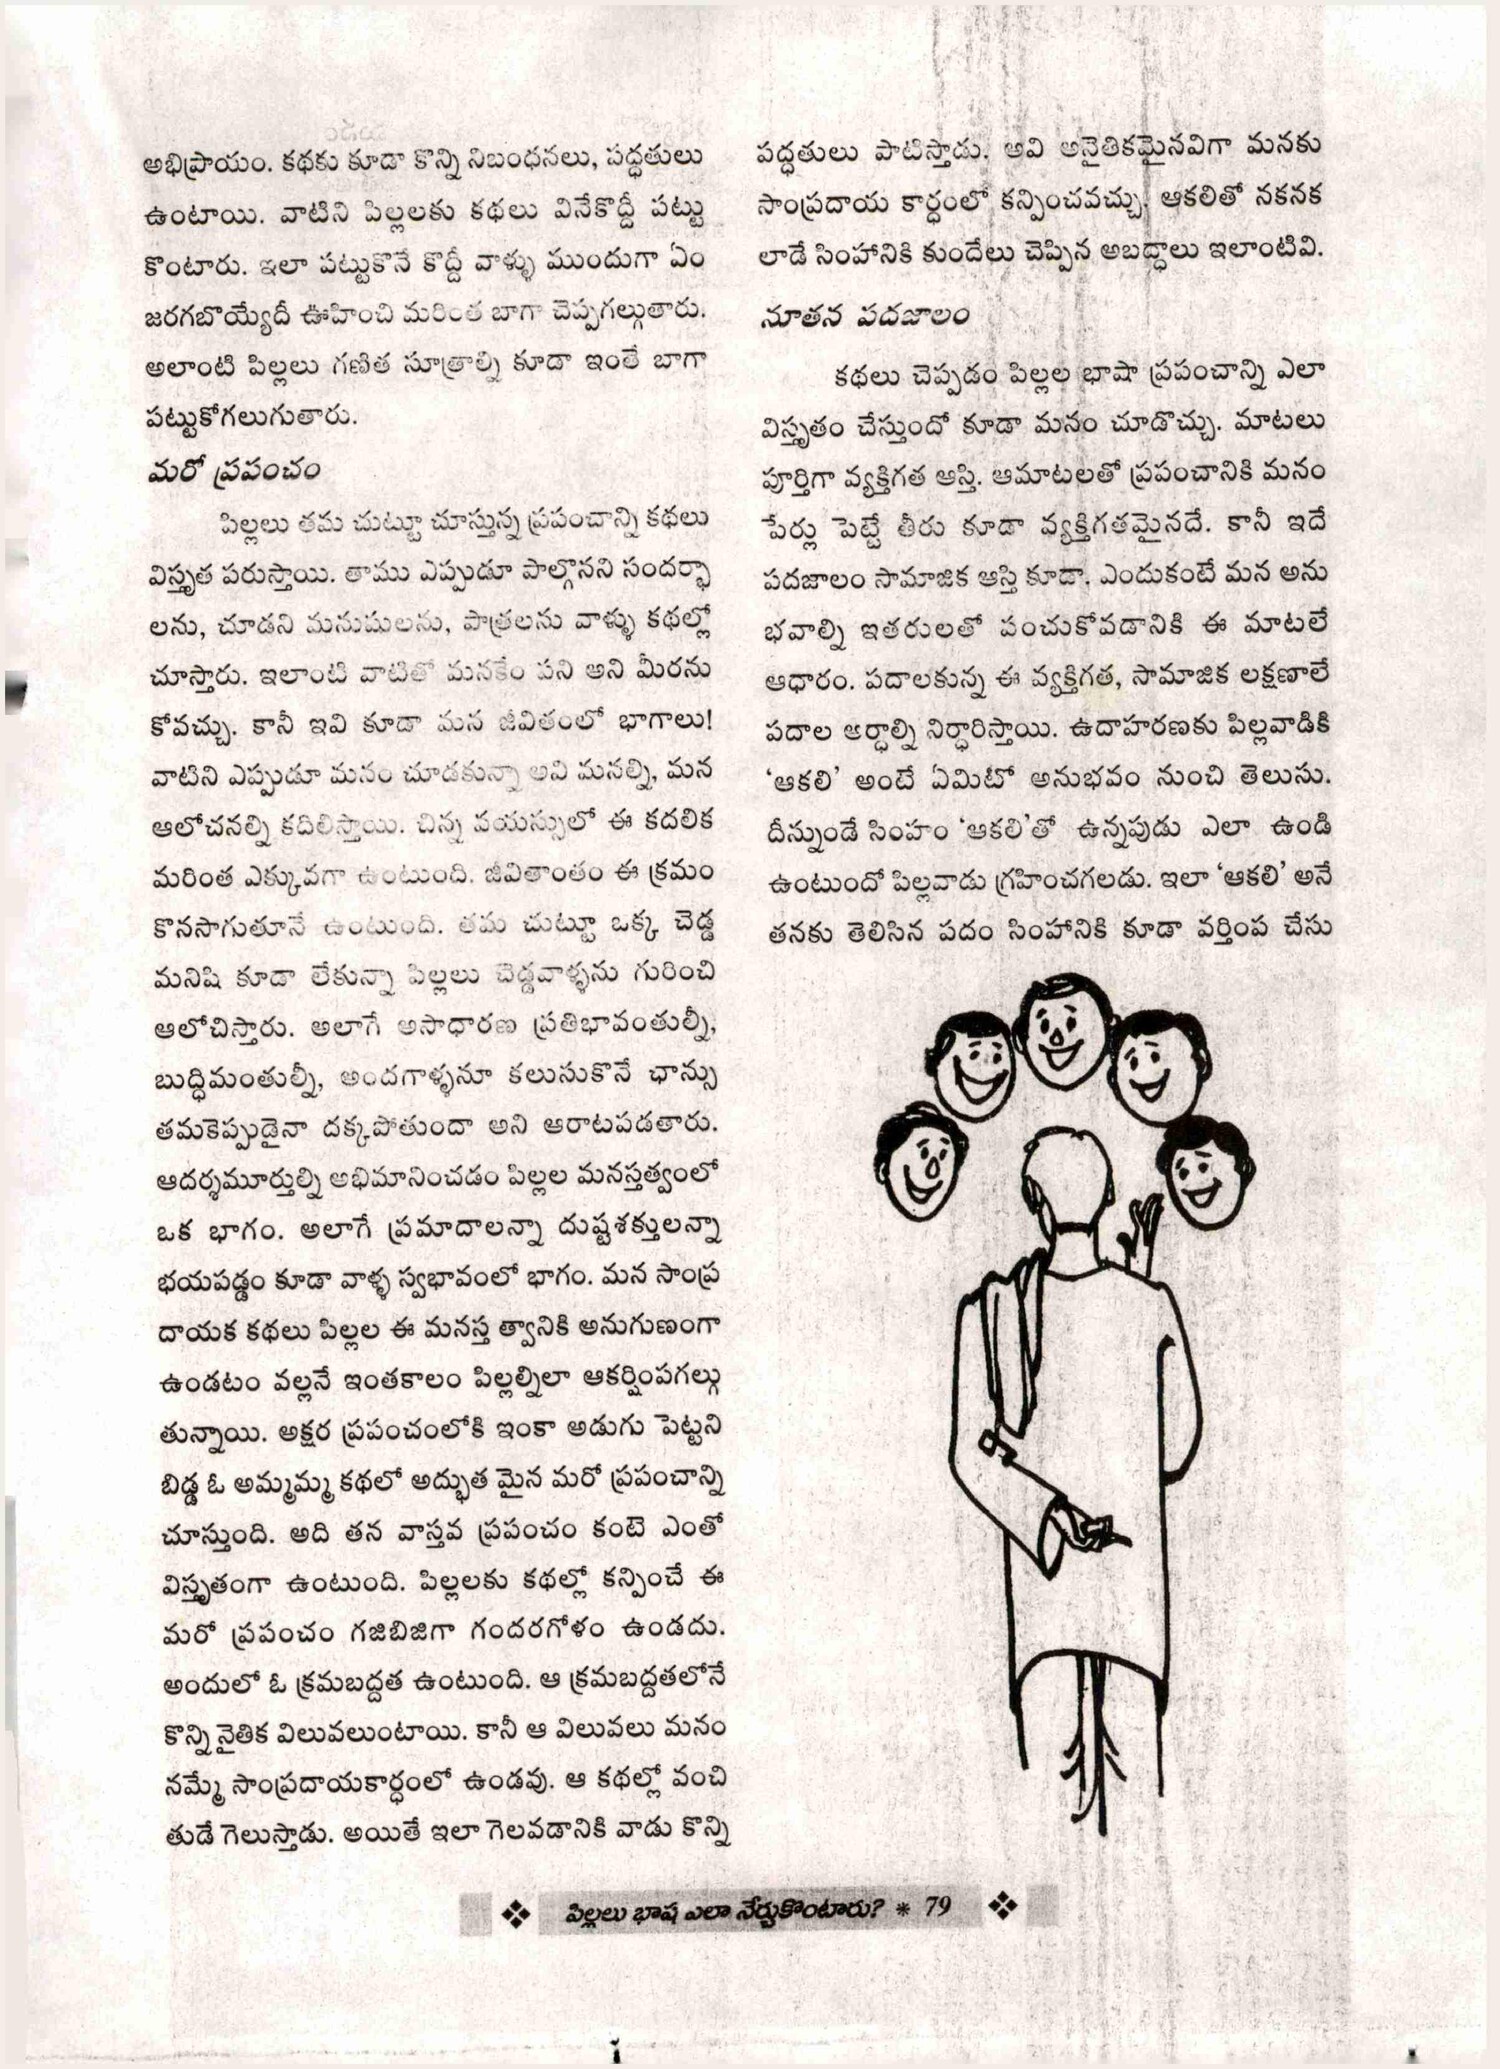అభిప్రాయం. కథకు కూడా కొన్ని నిబంధనలు, పద్ధతులు ఉంటాయి. వాటిని పిల్లలకు కథలు వినేకొద్దీ పట్టుకొంటారు. ఇలా పట్టుకొనే కొద్దీ వాళ్ళు ముందుగా ఏం జరగబొయ్యేదీ ఊహించి మరింత బాగా చెప్పగల్గుతారు. అలాంటి పిల్లలు గణిత సూత్రాల్ని కూడా ఇంతే బాగా పట్టుకోగలుగుతారు.

మరో ప్రపంచం

పిల్లలు తమ చుట్టూ చూస్తున్న ప్రపంచాన్ని కథలు విస్తృత పరుస్తాయి. తాము ఎప్పుడూ పాల్గొనని సందర్భాలను, చూడని మనుషులను, పాత్రలను వాళ్ళు కథల్లో చూస్తారు. ఇలాంటి వాటితో మనకేం పని అని మీరనుకోవచ్చు. కానీ ఇవి కూడా మన జీవితంలో భాగాలు! వాటిని ఎప్పుడూ మనం చూడకున్నా అవి మనల్ని, మన ఆలోచనల్ని కదిలిస్తాయి. చిన్న వయస్సులో ఈ కదలిక మరింత ఎక్కువగా ఉంటుంది. జీవితాంతం ఈ క్రమం కొనసాగుతూనే ఉంటుంది. తమ చుట్టూ ఒక్క చెడ్డ మనిషి కూడా లేకున్నా పిల్లలు చెడ్డవాళ్ళను గురించి ఆలోచిస్తారు. అలాగే అసాధారణ ప్రతిభావంతుల్నీ, బుద్ధిమంతుల్నీ, అందగాళ్ళనూ కలుసుకొనే ఛాన్సు తమకెప్పుడైనా దక్కపోతుందా అని ఆరాటపడతారు. ఆదర్శమూర్తుల్ని అభిమానించడం పిల్లల మనస్తత్వంలో ఒక భాగం. అలాగే ప్రమాదాలన్నా దుష్టశక్తులన్నా భయపడ్డం కూడా వాళ్ళ స్వభావంలో భాగం. మన సాంప్రదాయక కథలు పిల్లల ఈ మనస్త త్వానికి అనుగుణంగా ఉండటం వల్లనే ఇంతకాలం పిల్లల్నిలా ఆకర్షింపగల్గుతున్నాయి. అక్షర ప్రపంచంలోకి ఇంకా అడుగు పెట్టని బిడ్డ ఓ అమ్మమ్మ కథలో అద్భుత మైన మరో ప్రపంచాన్ని చూస్తుంది. అది తన వాస్తవ ప్రపంచం కంటె ఎంతో
విస్తృతంగా ఉంటుంది. పిల్లలకు కథల్లో కన్పించే ఈ మరో ప్రపంచం గజిబిజిగా గందరగోళం ఉండదు. అందులో ఓ క్రమబద్దత ఉంటుంది. ఆ క్రమబద్ధతలోనే కొన్ని నైతిక విలువలుంటాయి. కానీ ఆ విలువలు మనం నమ్మే సాంప్రదాయకార్ధంలో ఉండవు. ఆ కథల్లో వంచితుడే గెలుస్తాడు. అయితే ఇలా గెలవడానికి వాడు కొన్ని పద్ధతులు పాటిస్తాడు. అవి అనైతికమైనవిగా మనకు సాంప్రదాయ కార్ధంలో కన్పించవచ్చు. ఆకలితో నకనకలాడే సింహానికి కుందేలు చెప్పిన అబద్దాలు ఇలాంటివి.

నూతన పదజాలం

కథలు చెప్పడం పిల్లల భాషా ప్రపంచాన్ని ఎలా విస్తృతం చేస్తుందో కూడా మనం చూడొచ్చు. మాటలు పూర్తిగా వ్యక్తిగత ఆస్తి. ఆమాటలతో ప్రపంచానికి మనం పేర్లు పెట్టే తీరు కూడా వ్యక్తిగతమైనదే. కానీ ఇదే పదజాలం సామాజిక ఆస్తి కూడా. ఎందుకంటే మన అనుభవాల్ని ఇతరులతో పంచుకోవడానికి ఈ మాటలే ఆధారం. పదాలకున్న ఈ వ్యక్తిగత, సామాజిక లక్షణాలే పదాల అర్ధాల్ని నిర్ధారిస్తాయి. ఉదాహరణకు పిల్లవాడికి 'ఆకలి' అంటే ఏమిటో అనుభవం నుంచి తెలుసు. దీన్నుండే సింహం 'ఆకలి'తో ఉన్నపుడు ఎలా ఉండి ఉంటుందో పిల్లవాడు గ్రహించగలడు. ఇలా 'ఆకలి' అనే తనకు తెలిసిన పదం సింహానికి కూడా వర్తింప చేసు